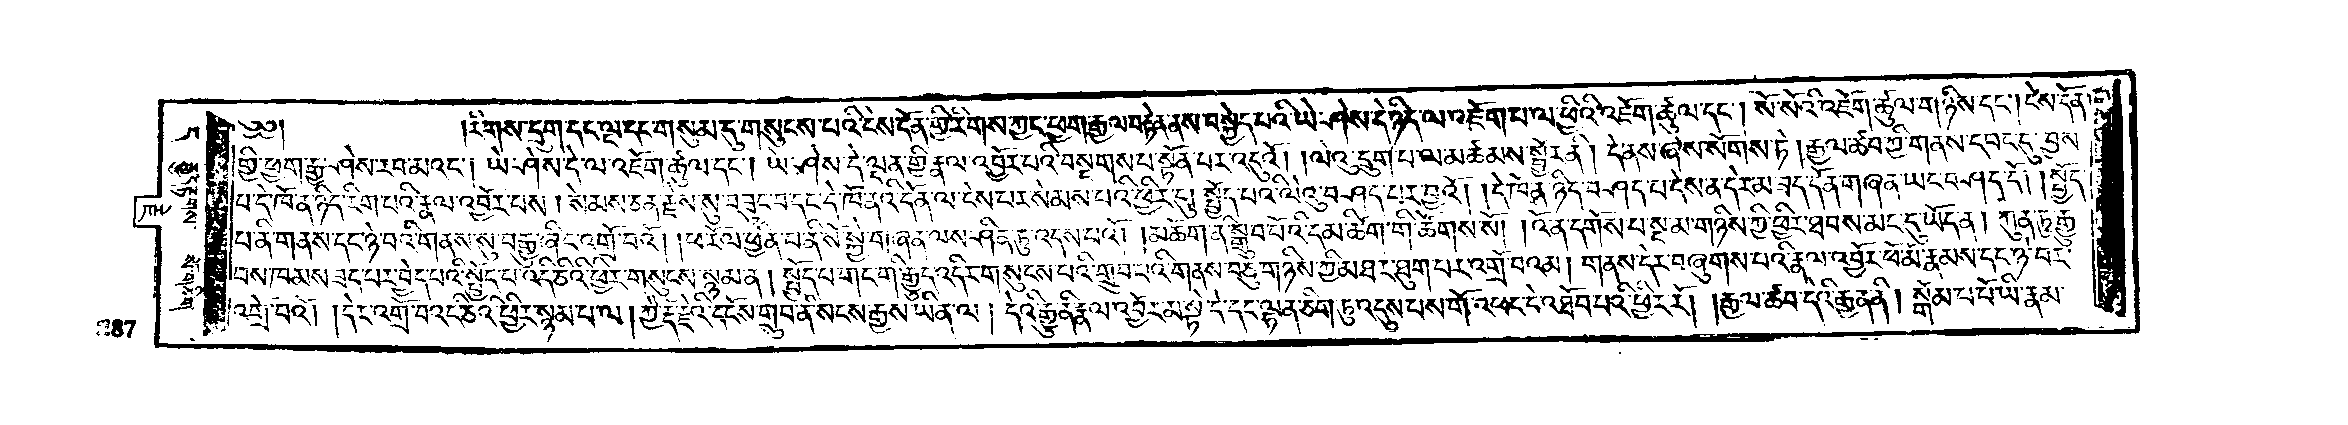༄༅། །རིགས་དྲུག་དང་ལྔ་དང་གསུམ་དུ་གསུངས་པའི་ངེས་དོན་གྱི་རིགས་ཀྱང་ཕྱག་རྒྱལ་བརྟེན་ནས་བསྐྱེད་པའི་ཡེ་ཤེས་དེ་ཉིད་ལ་འཇོག་པ་ལ་ཕྱིའི་འཇོག་ཚུལ་དང་། སོ་སོའི་འཇོག་ཚུལ་གཉིས་དང་། ངེས་དོན་
གྱི་ཕྱག་རྒྱ་ཤེས་རབ་མའང་། ཡེ་ཤེས་དེ་ལ་འཇོག་ཚུལ་དང་། ཡེ་ཤེས་དེ་ལྡན་གྱི་རྣལ་འབྱོར་པའི་བསྔགས་པ་སྟོན་པར་འདུའོ། །ལེའུ་དྲུག་པ་ལ་མཚམས་སྦྱོར་ནི། དེ་ནས་ཞེས་སོགས་ཏེ། རྒྱལ་ཚབ་ཀྱི་གནས་དབང་དུ་བྱས་
པ་དེ་ཁོ་ན་ཉིད་རིག་པའི་རྣལ་འབྱོར་པས། སེམས་ཅན་རྗེས་སུ་བཟུང་བ་དང་དེ་ཁོ་ནའི་དོན་ལ་ངེས་པར་སེམས་པའི་ཕྱིར་དུ། སྤྱོད་པའི་ལེའུ་བཤད་པར་བྱའོ། །དེ་ཁོ་ན་ཉིད་བཤད་པ་དེས་ན་དེར་མ་ཟད་དོན་གཞན་ཡང་བཤད་དོ། །སྤྱོད་
པ་ནི་གནས་དང་ཉེ་བའི་གནས་སུ་བརྒྱུ་ཞིང་འགྲོ་བའོ། །ཕ་རོལ་ཕྱིན་པ་ནི་སོ་སྐྱེ་གཞན་ལས་ཤིན་ཏུ་འདས་པའོ། །མཆོག་ནི་སྒྲུབ་པོའི་དམ་ཚིག་གི་ཚོགས་སོ། །འོ་ན་དགོས་པ་སྔ་མ་གཉིས་ཀྱི་ཕྱིར་ཐབས་མང་དུ་ཡོད་ན། ཀུན་ཏུ་རྒྱུ་
བས་ཁམས་ཟད་པར་བྱེད་པའི་སྤྱོད་པ་འདི་ཅིའི་ཕྱིར་གསུངས་སྙམ་ན། སྤྱོད་པ་གང་གི་རྒྱུད་འདིར་གསུངས་པའི་གྲུབ་པའི་གནས་བཅུ་གཉིས་ཀྱི་མཐར་ཐུག་པར་འགྲོ་བའམ། གནས་དེར་བཞུགས་པའི་རྣལ་འབྱོར་ཕོ་མོ་རྣམས་དང་ཉེ་བར་
འགྲོ་བའོ། །དེར་འགྲོ་བའང་ཅིའི་ཕྱིར་སྙམ་པ་ལ། ཀྱཻ་རྡོ་རྗེའི་དངོས་གྲུབ་ནི་སངས་རྒྱས་ཡིན་ལ། དེའི་རྒྱུ་ནི་རྣལ་འབྱོར་མ་སྟེ་དེ་དང་ལྷན་ཅིག་ཏུ་འདུས་པས་གོ་འཕང་དེ་འཐོབ་པའི་ཕྱིར་རོ། །རྒྱལ་ཚབ་དེའི་རྒྱན་ནི། སྒོམ་པ་པོ་ཡི་རྣམ་